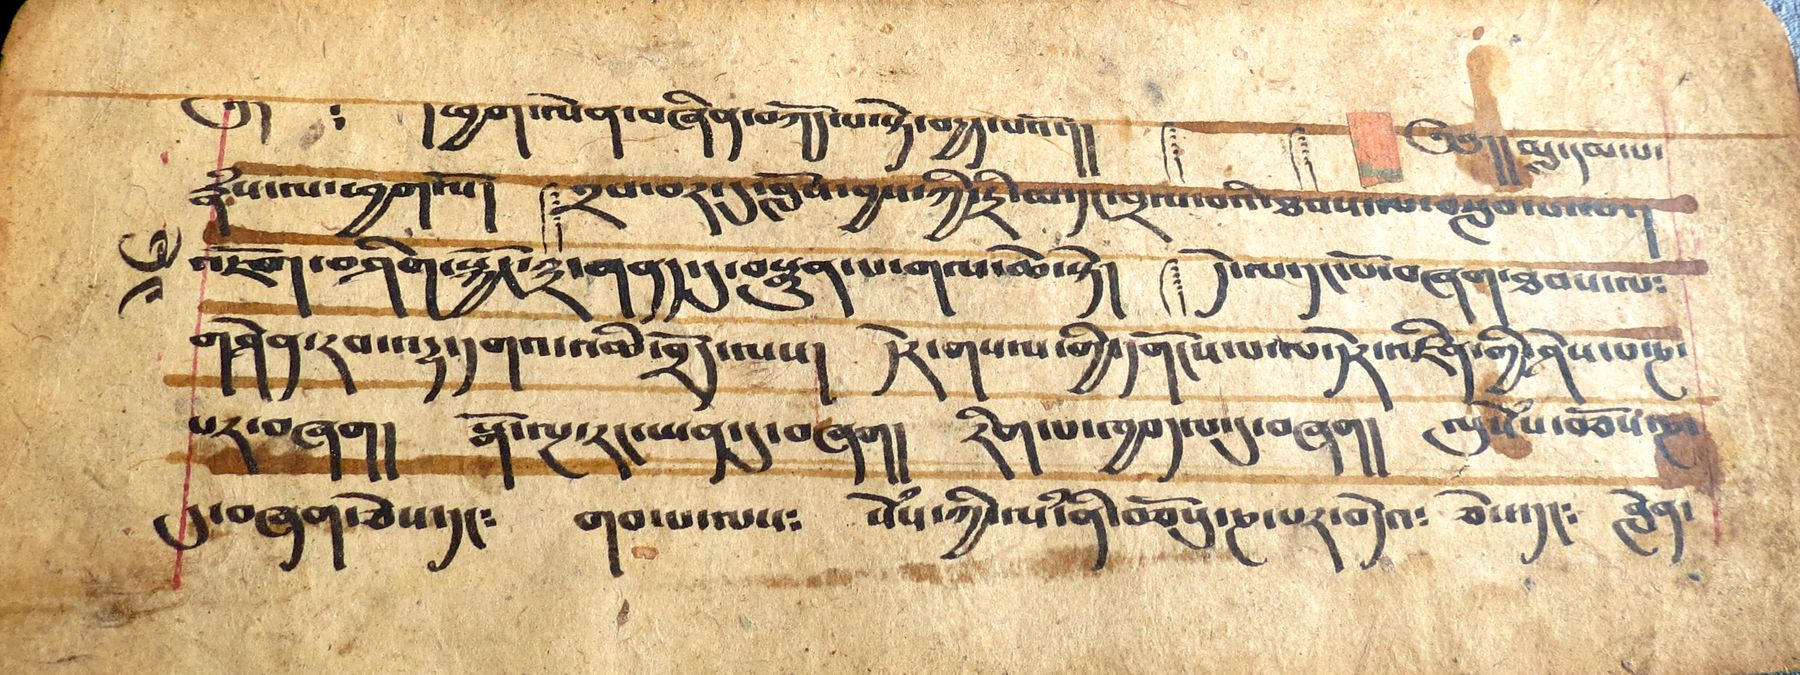ཕྱག་ལེན་བཀོད་པ་སྟེ་བརྒྱད་པའོ། ། བླ་མ་དམ་པ་
རྣམས་ལ་ཕྱག་འཚལ་ལོ། གཉིས་པ་བར་དུ་བློ་བཅས་༼བློསབྱས༽ཀྱི་དྲི་མ་དང་བྲལ་བའི་ཐབས་ལ་བསླབ་པ་ལ། 
འཇོགས་ཤིག་སྐྱོང་གསུམ་གནད་དུ་བསྣུན་པ་གལ་ཆེ་སྟེ། དང་པོ་འཇོག་ཐབས་ལ། 
གཤེན་རབ་འདའ་དགའ་འཆི་བྲོད་པས། དེར་གསལ་གྱི་དགོངས་པ་ལ་དེར་འཛིན་གྱི་ཤེས་པ་མེད་
པར་བཞག སྒོ་ལྔ་རང་ཡན་དུ་བཞག རིག་པ་ཁྱབ་བདལ་དུ་བཞག ལུས་སེམས་བཅོས་མེད་
དུ་བཞག ཅེས་དང་། གབ་པ་ལས། སེམས་ཀྱི་ལམ་ནི་བཅོས་སུ་མེད་པར་བདེ། ཞེས་དང་། བླ་ཆེན་